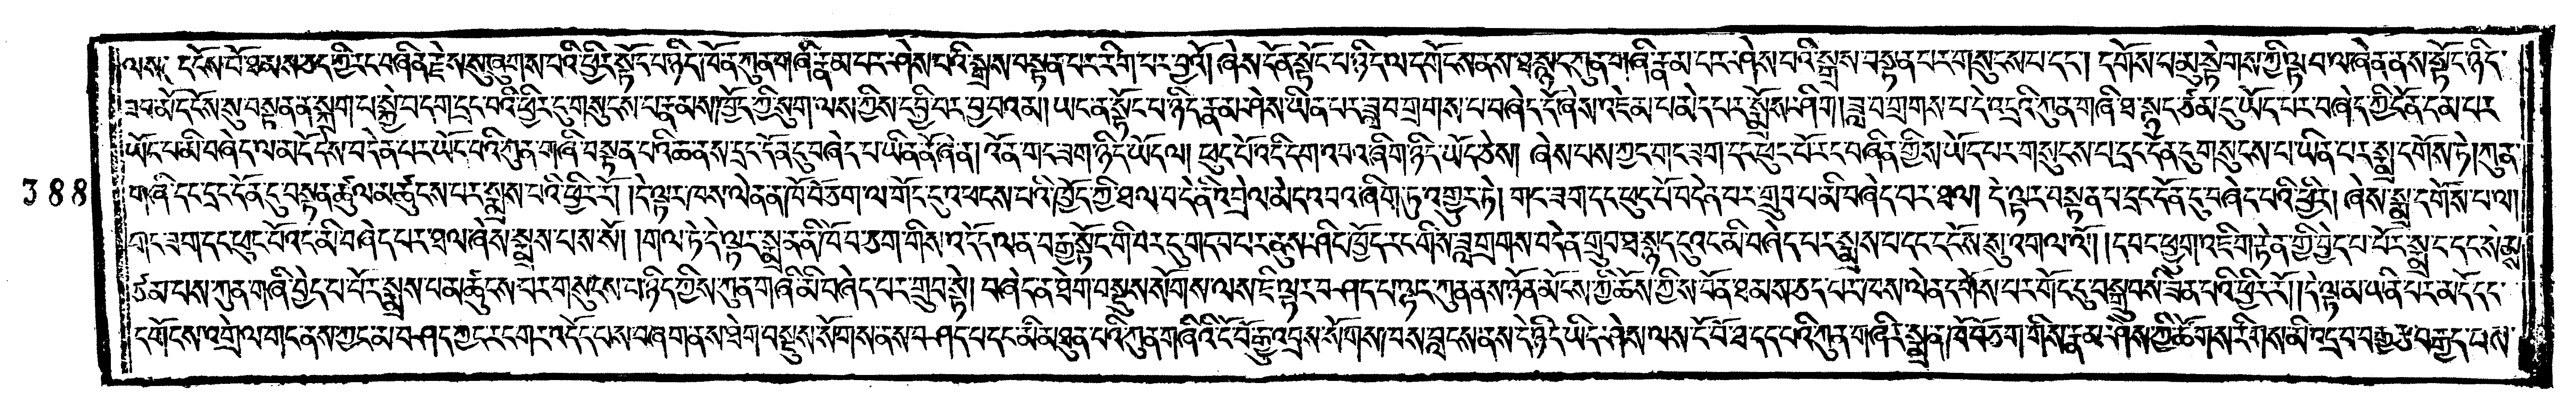ལས༑ དངོས་པོ་ཐམས་ཅད་ཀྱི་རང་བཞིན་རྗེས་སུ་ཞུགས་བའི་ཕྱིར་སྟོང་པ་ཉིད་ཁོ་ན་ཀུན་གཞི་རྣམ་པར་ཤེས་བའི་སྒྲས་བསྟན་པར་རིག་པར་བྱའོ། ཞེས་དོན་སྟོང་པ་ཉིད་ལ་དགོངས་ནས་ཐ་སྙད་ཀུན་གཞི་རྣམ་པར་ཤེས་བའི་སྒྲས་བསྟན་པར་གསུངས་པ་དང་། དགོས་པ་མུ་སྟེགས་ཀྱི་ལྟ་བ་ལ་ཞེན་ནས་སྟོང་ཉིད་
ཟབ་མོ་དངོས་སུ་བསྟན་ན་སྐྲག་པ་སྐྱེ་བ་དག་དྲང་བའི་ཕྱིར་དུ་གསུངས་པ་རྣམས་ཁྱོད་ཀྱི་སུག་ལས་ཀྱིས་དབྱི་བར་བྱ་བའམ། ཡང་ན་སྟོང་པ་ཉིད་རྣམ་ཤེས་ཡིན་པར་ཟླ་བ་གྲགས་པ་བཞེད་དོ་ཞེས་འཇེམ་པ་མེད་པར་སྨྲོས་ཤིག། ཟླ་བ་གྲགས་པ་དེ་འདྲའི་ཀུན་གཞི་ཐ་སྙད་ཙམ་དུ་ཡོད་པར་བཞེད་ཀྱི་དོན་དམ་པར་
ཡོད་པ་མི་བཞེད་ལ་མདོ་ངེས་བདེན་པར་ཡོད་བའི་ཀུན་གཞི་བསྟན་པའི་ཆ་ནས་དྲང་དོན་དུ་བཞེད་པ་ཡིན་ནོ་ཞེ་ན། འོན་གང་ཟག་ཉིད་ཡོད་ལ། ཕུང་པོ་འདི་དག་འབའ་ཞིག་ཉིད་ཡོད་ཅེས། ཞེས་པས་ཀྱང་གང་ཟག་དང་ཕུང་པོ་རང་བཞིན་གྱིས་ཡོད་པར་གསུངས་པ་དྲང་དོན་དུ་གསུངས་པ་ཡིན་པར་སྨྲ་དགོས་ཏེ། ཀུན་
གཞི་དང་དྲང་དོན་དུ་བསྟན་ཚུལ་མཚུངས་པར་སྨྲས་པའི་ཕྱིར་རོ། །དེ་ལྟར་ཁས་ལེན་ན་ཁོ་བོ་ཅག་ལ་གོང་དུ་འཕངས་པའི་ཁྱོད་ཀྱི་ཐལ་བ་དེ་ནི་འབྲེལ་མེད་འབའ་ཞིག་ཏུ་འགྱུར་ཏེ། གང་ཟག་དང་ཕུང་པོ་བདེན་བར་གྲུབ་པ་མི་བཞེད་བར་ཐལ། དེ་ལྟར་བསྟན་པ་དྲང་དོན་དུ་བཞེད་པའི་ཕྱིར། ཞེས་སྨྲ་དགོས་པ་ལ།
གང་ཟག་དང་ཕུང་པོའང་མི་བཞེད་པར་ཐལ་ཞེས་སྨྲས་པས་སོ། །གལ་ཏེ་དེ་ལྟར་སྨྲ་ན་ནི་ཁོ་བ་ཅག་གིས་འདོད་ལན་བརྒྱ་སྟོང་གི་བར་དུ་གདབ་པར་ནུས་ཤིང་ཁྱོད་རང་གིས་ཟླ་གྲགས་བདེན་གྲུབ་ཐ་སྙད་དུའང་མི་བཞེད་པར་སྨྲས་པ་དང་དངོས་སུ་འགལ་ལོ། །དབང་ཕྱུག་འཇིག་རྟེན་གྱི་བྱེད་པ་པོར་སྨྲང་དང་སེམས་
ཙམ་པས་ཀུན་གཞི་བྱེད་པ་བོར་སྨྲས་པ་མཚུངས་བར་གསུངས་པ་ཉིད་ཀྱིས་ཀུན་གཞི་མི་བཞེད་པར་གྲུབ་སྟེ། བཞེད་ན་ཐེག་བསྡུས་སོགས་ལས་ཇི་ལྟར་བཤད་པ་ལྷར་ཀུན་ནས་ཉོན་མོངས་ཀྱི་ཆོས་ཀྱི་ས་བོན་ཐམས་ཅད་པར་ཁས་ལེན་དགོས་པར་གོང་དུ་བསྒྲུབས་ཟིན་པའི་ཕྱིར་རོ། །དེ་ལྟ་མ་ཡིན་པར་མདོ་དང་
དགོངས་འགྲེལ་གང་ནས་ཀྱང་མ་བཤད་ཀྱང་རང་གྲ་འདོད་པས་བཞག་ནས་ཐེག་བསྡུས་སོགས་ནས་བཤད་པ་དང་མི་མཐུན་པའི་ཀུན་གཞིའི་ངོ་བོ་རྒྱུ་འབྲས་སོགས་ཁས་བླངས་ནས་དེ་ཉིད་ཡིད་ཤེས་ལས་ངོ་བོ་ཐ་དད་པའི་ཀུན་གཞིར་སྨྲ་ན་ཁོ་བོ་ཅག་གིས་རྣམ་ཤེས་ཀྱི་ཚོགས་རིགས་མི་འདྲ་བ་བརྒྱ་རྩ་བརྒྱད་ཁས་